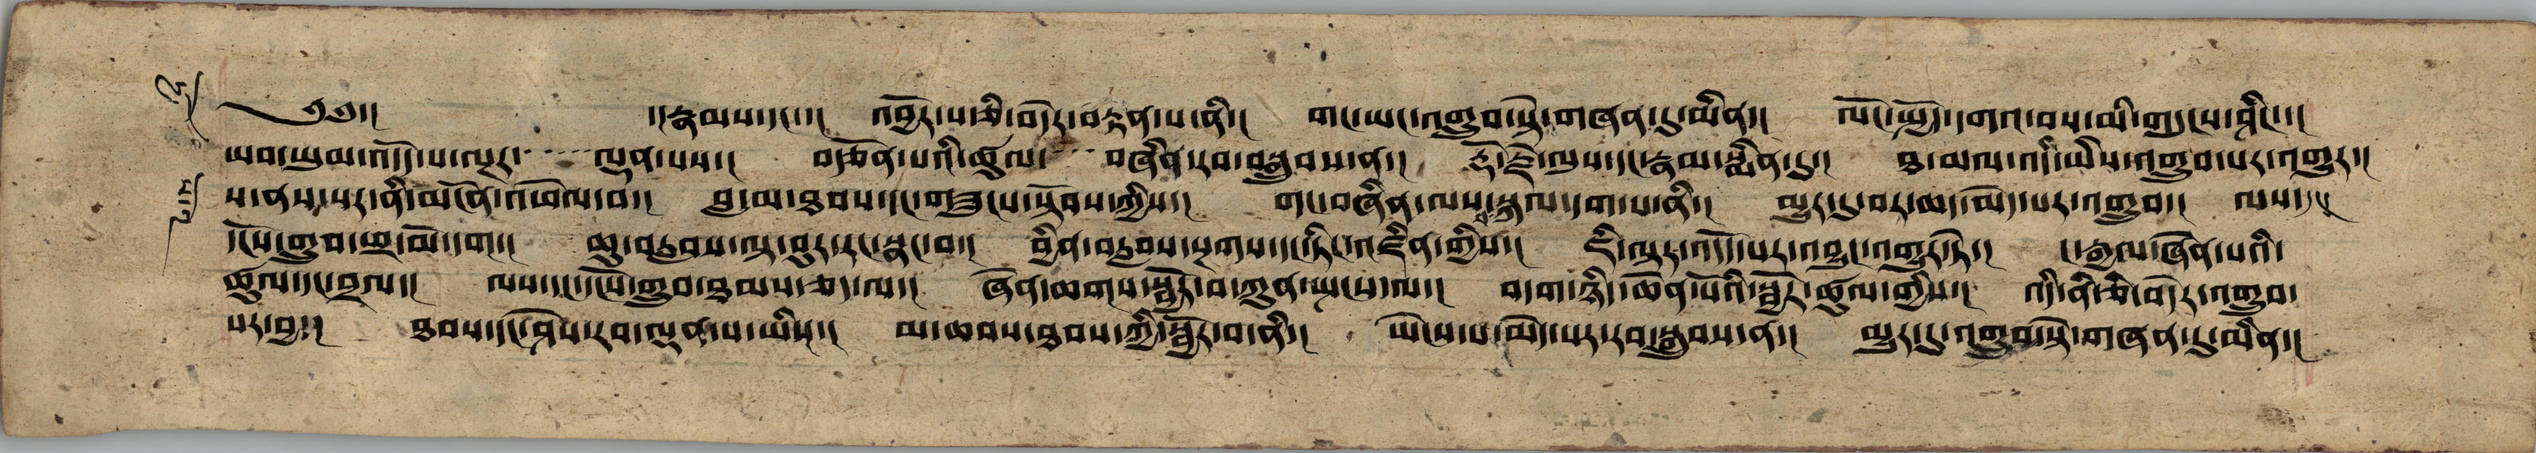༄༅་། ་།རྣམས་དང་་། འབྱོར་པ་ཅི་བདེར་བརྟན་པ་ནི་། གང་ཡང་འགྲུབ་སྟེ་གཞན་དུ་མིན་། ལོང་སྤྱོད་དགའ་བས་མི་གདུངས་ཤིང་་།
ཡབ་ཡུམ་འདོད་པ་ལྔར་་་་་ལྡན་པས་། བརྩོན་པའི་ཚུལ་་་་བཞིན་རབ་བསྒྲུབས་ན་། རྡོ་རྗེ་ལུས་དང་རྣམ་སྨིན་དུ་། ཐ་མལ་འདི་ཡིས་འགྲུབ་པར་འགྱུར
ས་ནས་པར་ནི་མངོན་འཕེལ་བ་། བླ་མ་ཐབས་དང་གཟུངས་སྟོབས་ཀྱིས་། གང་བཞིན་ལས་བསྐུལ་དག་པ་ནི་། མྱུར་དུ་བར་ཆད་མེད་པར་འགྲུབ་། ལས་དང་
དངོས་གྲུབ་ཕྲ་མོ་དག། ཆུ་བརླབས་ལྟ་བུར་རང་སྣང་བ་། བྱིན་བརླབས་སྔགས་དང་ཏིང་འཛིན་གྱིས་། ཇི་ལྟར་འདོད་པར་འབྱུང་འགྱུར་ཏེ་། ང་རྒྱལ་ཞེན་པའི་
ཚུལ་དང་བྲལ་། ལས་དང་དངོས་གྲུབ་ཐམས་ཅད་ལ་། ཞེན་ཆགས་སྦྱོར་བ་ཀུན་སྤངས་ལ་། བདག་ཉིད་ཆེན་པོའི་སྦྱོར་ཚུལ་གྱིས་། འདི་ནི་ཅི་བདེར་འགྲུབ་
པར་བྱ་། ཐབས་དང་ཤེས་རབ་ལྡན་པ་ཡིས་། མ་ཆབས་ཐབས་ཀྱི་སྦྱོར་བ་ནི་། ཡེངས་པ་མེད་པར་རབ་སྒྲུབས་ན་། མྱུར་དུ་འགྲུབ་སྟེ་གཞན་དུ་མིན་།